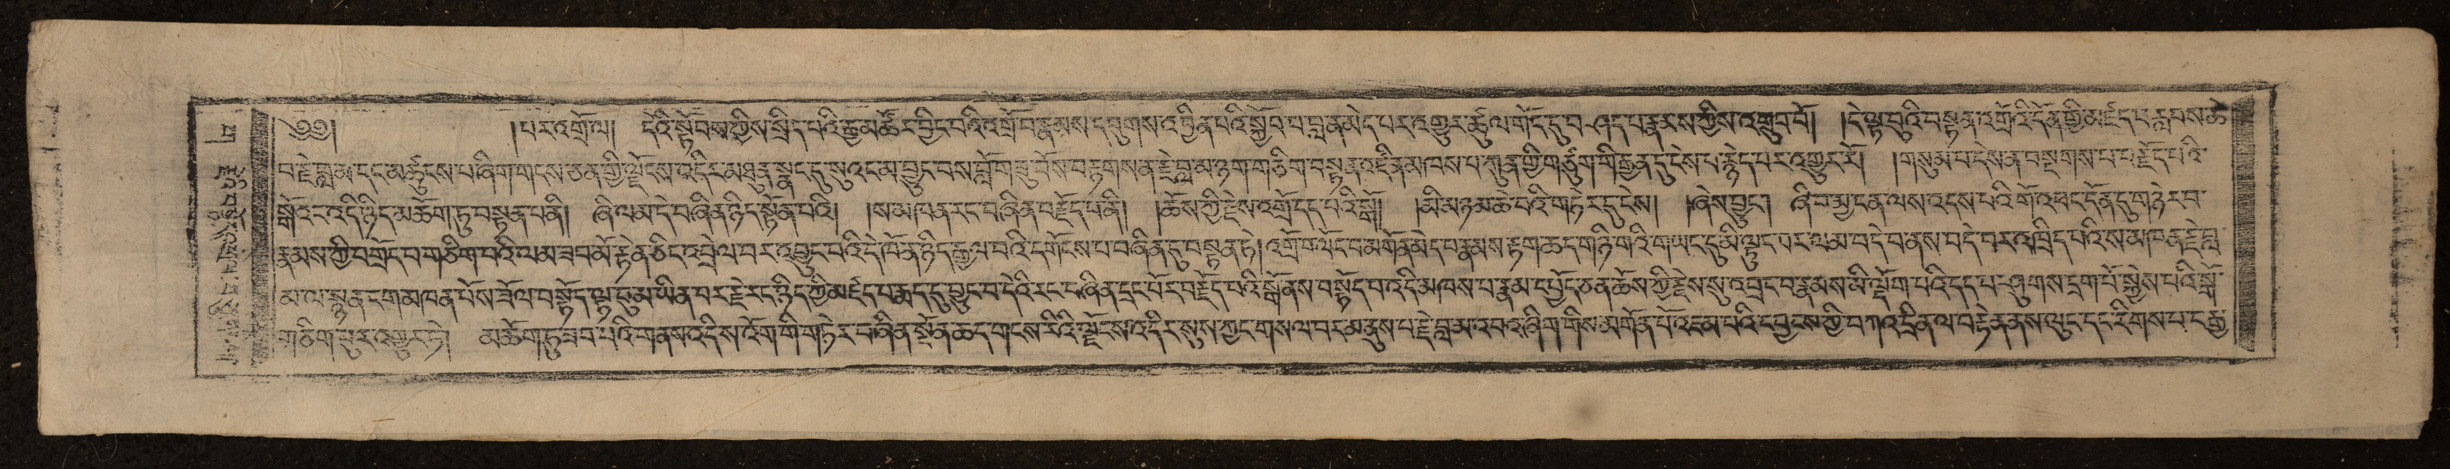༄༅། །པར་འགྲོ་ལ། དེའི་སྟོབས་ཀྱིས་སྲིད་པའི་རྒྱ་མཚོར་བྱིང་བའི་འགྲོ་བ་རྣམས་དབུགས་འབྱིན་པའི་སྐྱོབ་བ་བླ་ན་མེད་པ་ལ་འགྱུར་ཚུལ་གོང་དུ་བཤད་པ་རྣམས་ཀྱིས་འགྲུབ་བོ། །དེ་ལྟ་བུའི་བསྟན་འགྲོའི་དོན་གྱི་མཛད་པ་རླབས་ཆེ་
བ་རྗེ་བླ་མ་དང་མཚུངས་པ་ཞིག་གངས་ཅན་གྱི་ལྗོངས་འདིར་མཐུན་སྣང་དུ་སུའང་མ་བྱུང་བས་བློ་གཟུ་བོས་བརྟགས་ན་རྗེ་བླ་མ་ཉག་གཅིག་བསྟན་འཛིན་མཁས་པ་ཀུན་གྱི་གཙུག་གི་རྒྱན་དུ་ངེས་བ་རྙེད་པར་འགྱུར་རོ། །གསུམ་པ་དེས་ན་བསྔགས་པ་བརྗོད་པའི་
སྒོའང་འདི་ཉིད་མཆོག་ཏུ་བསྟན་པ་ནི། ཞི་ལམ་དེ་བཞིན་ཉིད་སྟོན་པའི། །ས་མཁན་རང་བཞིན་བརྗོད་པ་ནི། །ཆོས་ཀྱི་རྗེས་འགྲོ་དང་པོའི་སྒོ། །མི་མཉམ་ཆེ་བའི་གཏེར་དུ་ངེས། །ཞེས་བྱུང་། ཞི་བ་མྱ་མངན་ལས་འདས་པའི་གོ་འཕང་དོན་དུ་གཉེར་བ་
རྣམས་ཀྱི་བགྲོད་པ་གཅིག་པའི་ལམ་ཟབ་མོ་རྟེན་ཅིང་འབྲེལ་བར་འབྱུང་བའི་དེ་ཁོ་ན་ཉིད་རྒྱལ་བའི་དགོངས་པ་བཞིན་དུ་བསྟན་ཏེ། འགྲོ་བ་ཡོང་བ་མགོན་མེད་བ་རྣམས་རྟག་ཆད་གཉི་གའི་གཡང་དུ་མི་ལྟུང་བར་ལམ་བདེ་བ་ནས་བདེ་བར་འཁྲིད་བའི་ས་མཁན་རྗེ་བླ་
མ་ལ་སྙན་ངག་མཁན་བོས་ཟོལ་བསྟོད་ལྟ་བུ་མ་ཡིན་པར་རྗེ་རང་ཉིད་ཀྱི་མཛད་པ་རྨད་དུ་བྱུང་བ་དེའི་རང་བཞིན་དྲང་པོར་བརྗོད་པའི་སྒོ་ནས་བསྟོད་པ་འདི་མཁས་པ་རྣམ་དཔྱོད་ཅན་ཆོས་ཀྱི་རྗེས་སུ་འབྲང་བ་རྣམས་མི་ལྡོག་པའི་དད་པ་ཤུགས་དྲག་པོ་སྐྱེས་པའི་སྒོ་
གཅིག་པུར་འགྱུར་ཏེ། མཆོག་ཏུ་ཟབ་པའི་གནས་འདི་ས་འོག་གི་གཏེར་བཞིན་སྔོན་ཚད་གངས་རིའི་ལྗོངས་འདིར་སུས་ཀྱང་གསལ་བར་མ་ནུས་པ་རྗེ་བླ་མ་འབའ་ཞིག་གིས་མགོན་པོ་འཇམ་པའི་དབྱངས་ཀྱི་བཀའ་དྲིན་ལ་བརྟེན་ནས་ལུང་དང་རིགས་པ་བརྒྱ་